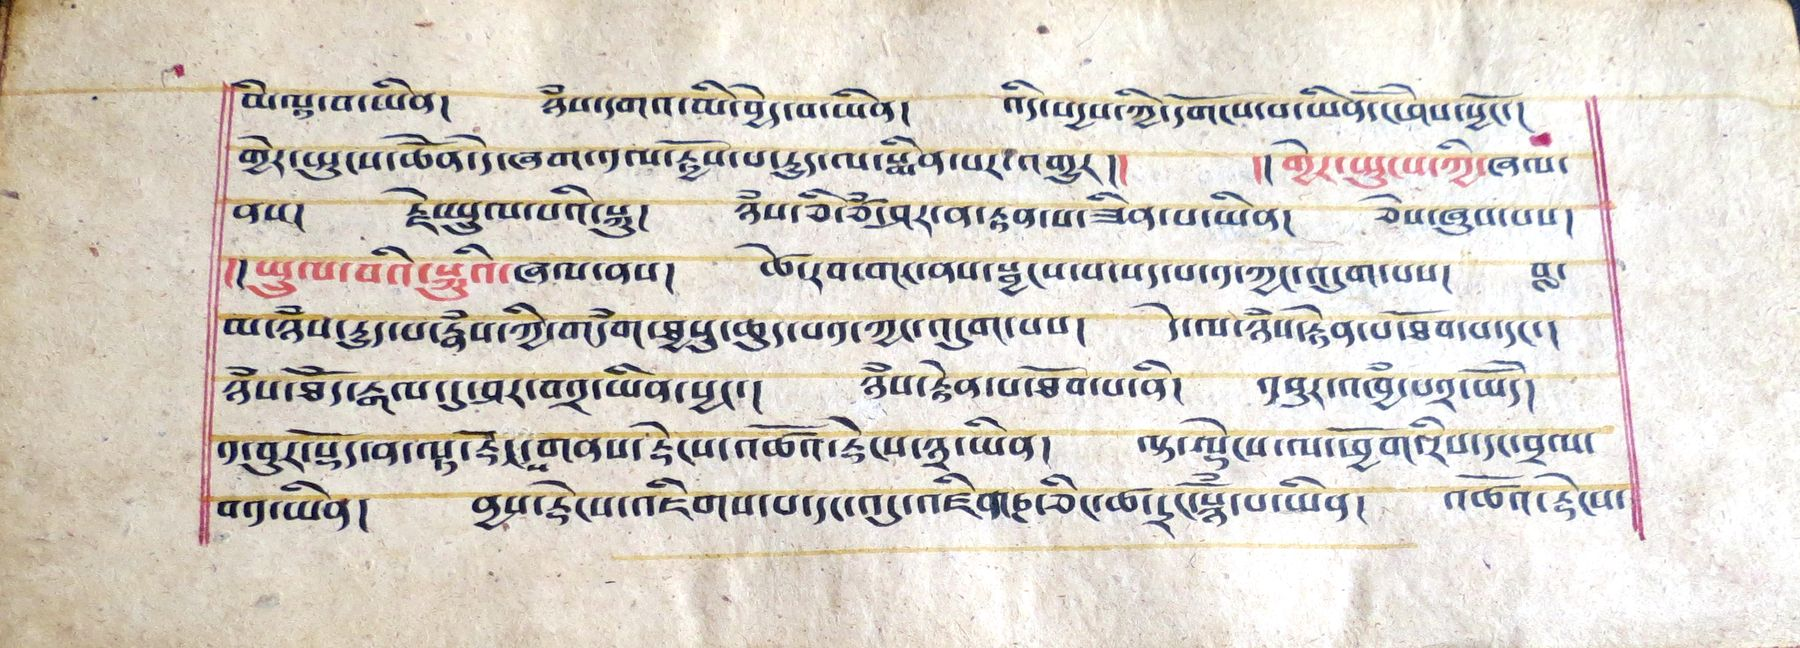མི་ལྟ་བ་ཡིན། ཉམས་དགའ་མི་བྱེད་པ་ཡིན། འདི་སངས་རྒྱས་ཀྱི་དགོངས་པ་ཡིན་ངོ་ཤེས་གསུངས་སོ། །
གྱེར་སྤུངས་ཆེན་པོ་དེ། ཞག་གཅིག་ལ་རྟོགས་པ་རྒྱུད་ལ་སྨིན་པར་གྱུར། གྱེར་སྤུངས་ཆེན་པོའི་ཞལ་
ནས་རྗེ་སྤྲུལ་པའི་སྐུ་ཉམས་ཅི་ཙམ་ཅིག་ཤར་ནས་བརྟན་པ་ཐོབ་ཟིན་པ་ཡིན་ཞུས་པས། 
སྤྲུལ་པའི་སྐུའི་ཞལ་ནས། ཚེ་རབས་གོང་ནས་སྦྱངས་པ་ཞིག་ཀྱང་འདུག བླ་
མའི་ཉམས་དང་བརྒྱུད་པ་རྣམས་ཀྱིས་གདམས་ངག་ཐུགས་སུ་ཆུད་པ་ཞིག་ཀྱང་འདུག་པས། དེ་ལ་ཉམས་བརྟན་པ་ཐོབ་པ་དང་།
ཉམས་ཐོད་རྒལ་དུ་ཤར་བ་གཉིས་ཡིན་གསུངས། ཉམས་བརྟན་པ་ཐོབ་པ་ནི། གཅིག་པུར་འཁྱམས་པ་གཉིས་ཡོད་དེ། 
གཅིག་པུར་སྡོད་ན། ལྟ་གདེང་། གནས་གདེང་། འཚོ་གདེང་གསུམ་ཡིན། ལྟ་གདེང་ལ་ཕྱོགས་རིས་བྲལ་
བ་ཞིག་ཡིན། གནས་གདེང་ལ་འཇིགས་པ་དང་། འདུ་འཛི་མེད་ཅིང་ཚ་གྲང་སྙོམས་པོ་ཞིག་ཡིན། འཚོ་གདེང་